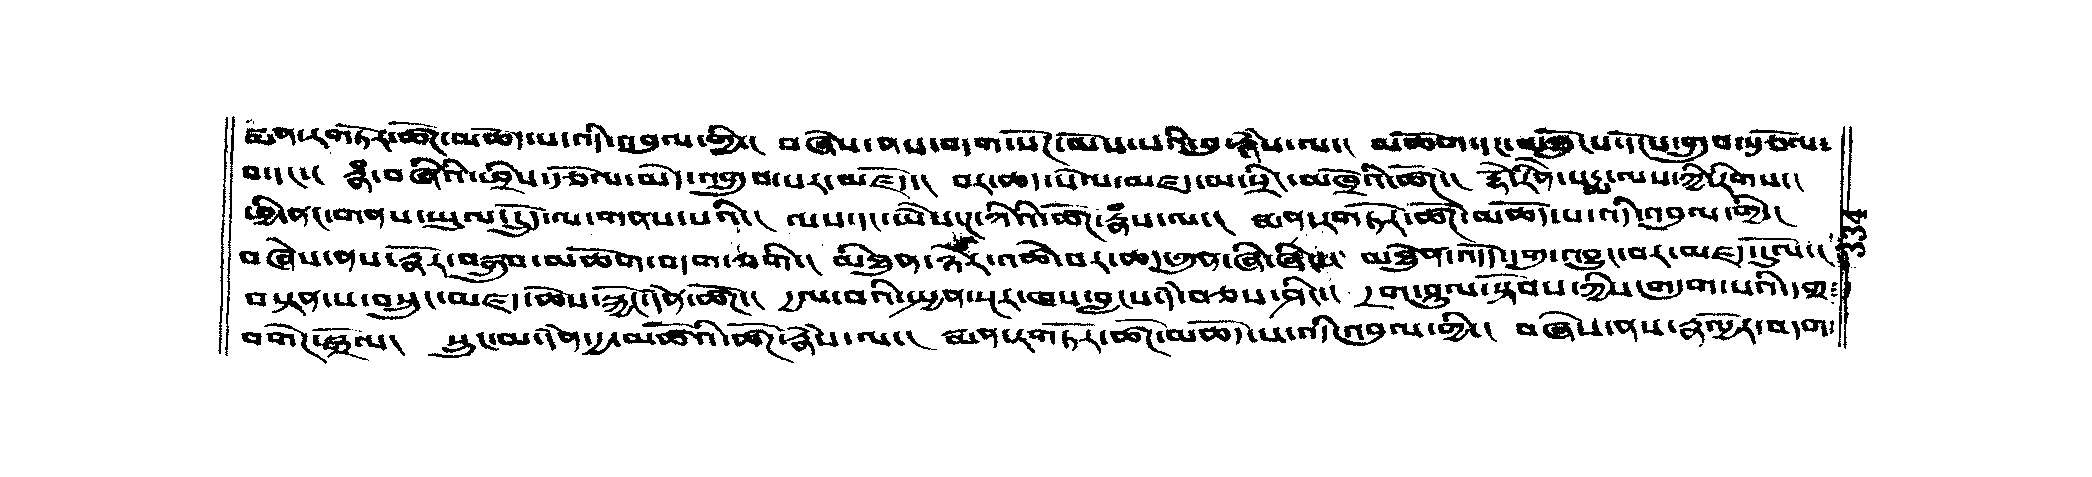སྨན་རག་གཏོར་ཚོགས་མཆོད་པ་འདི་འབུལ་གྱི། །བཞེས་ནས་བདག་སོགས་མོས་པའི་བུ་རྣམས་ལ། །མཆོག་དང་ཐུན་མོང་དངོས་གྲུབ་སྩོལ་
བ་དང་། །རྣམ་བཞིའི་ཕྲིན་ལས་སྩོལ་མེད་འགྲུབ་པར་མཛོད། །བར་ཆད་བསལ་མཛད་མ་སྲིང་མཁའ་འགྲོའི་ཚོགས། །རྡོ་རྗེ་རིན་ཆེན་པདྨ་ལས་ཀྱི་རིགས། །
ཕྱི་ནང་གནས་ཡུལ་དུད་ཕྲོད་ལ་གནས་པའི། །ལས་དང་ཡེ་ཤེས་ཌ་ཀིའི་ཚོགས་རྣམས་ལ། །སྨན་རག་གཏོར་ཚོགས་མཆོད་པ་འདི་འབུལ་གྱི། །
བཞེས་ནས་རྣལ་འབྱོར་བསྒྲུབ་མཆོག་བདག་ཅག་གི་།མི་མཐུན་ཉེརའཚེ་བར་ཆད་ཀུན་ཞི་ཞིང་། །མཆོག་ཐུན་འདོད་དགུ་འབྱུང་བར་མཛད་དུ་གསོལ། །
བསྟན་པ་བསྲུང་མཛད་ཆོས་སྐྱོང་དམ་ཅན་ཚོགས། །རྒྱལ་བའི་སྤྱན་སྔར་ཁས་བླངས་དམ་བཅས་ཤིང་། །དྲག་ཤུགས་སྟོབས་ཀྱིས་གདུག་པའི་དགྲ་
བགེགས་སྒྲོལ། །སྨན་རག་གཏོར་ཚོགས་མཆོད་པ་འདི་འབུལ་གྱི། །བཞེས་ནས་རྣལ་འབྱོར་བདག་